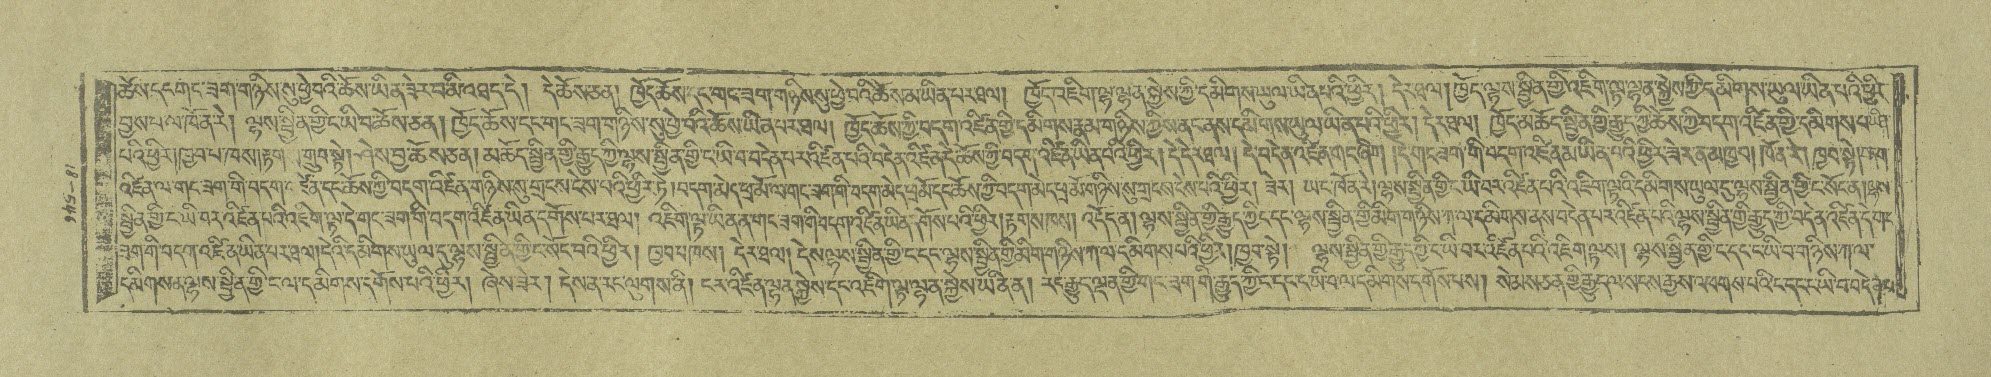ཆོས་དང་གང་ཟག་གཉིས་སུ་ཕྱེ་བའི་ཆོས་ཡིན་ཟེར་བ་མི་འཐད་དེ། དེ་ཆོས་ཅན། ཁྱོད་ཆོས་དང་གང་ཟག་གཉིས་སུ་ཕྱེ་བའི་ཆོས་མ་ཡིན་པར་ཐལ། ཁྱོད་འཇིག་ལྟ་ལྷན་སྐྱེས་ཀྱི་དམིགས་ཡུལ་ཡིན་པའི་ཕྱིར། དེར་ཐལ། ཁྱོད་ལྷས་སྦྱིན་གྱི་འཇིག་ལྟ་ལྷན་སྐྱེས་ཀྱི་དམིགས་ཡུལ་ཡིན་པའི་ཕྱིར་
བྱས་པ་ལ་ཁོ་ན་རེ། ལྷས་སྦྱིན་གྱི་ང་ཡི་བ་ཆོས་ཅན། ཁྱོད་ཆོས་དང་གང་ཟག་གཉིས་སུ་ཕྱེ་བའི་ཆོས་ཡིན་པར་ཐལ། ཁྱོད་ཆོས་ཀྱི་བདག་འཛིན་གྱི་དམིགས་རྣམ་གཉིས་ཀྱིས་ནང་ནས་དམིགས་ཡུལ་ཡིན་པའི་ཕྱིར། དེར་ཐལ། ཁྱོད་མཆོད་སྦྱིན་གྱི་རྒྱུད་ཀྱི་ཆོས་ཀྱི་བདག་འཛིན་གྱི་དམིགས་པ་ཡིན་
པའི་ཕྱིར། ཁྱབ་པ་ཁས། རྟགས་གྲུབ་སྟེ། ཤེས་བྱ་ཆོས་ཅན། མཆོད་སྦྱིན་གྱི་རྒྱུད་ཀྱི་ལྷས་སྦྱིན་གྱི་ང་ཡི་བ་བདེན་པར་འཛིན་པའི་བདེན་འཛིན་དེ་ཆོས་ཀྱི་བདག་འཛིན་ཡིན་པའི་ཕྱིར། དེ་དེར་ཐལ། དེ་བདེན་འཛིན་གང་ཞིག །དེ་གང་ཟག་གི་བདག་འཛིན་མ་ཡིན་པའི་ཕྱིར་ཟེར་ན་མ་ཁྱབ། ཁོ་ན་རེ། ཁྱབ་སྟེ། བདག་
འཛིན་ལ་གང་ཟག་གི་བདག་འཛིན་དང་ཆོས་ཀྱི་བདག་འཛིན་གཉིས་སུ་གྲངས་ངེས་པའི་ཕྱིར་ཏེ། བདག་མེད་ཕྲ་མོ་ལ་གང་ཟག་གི་བདག་མེད་ཕྲ་མོ་དང་ཆོས་ཀྱི་བདག་མེད་ཕྲ་མོ་གཉིས་སུ་གྲངས་ངེས་པའི་ཕྱིར། ཟེར། ཡང་ཁོ་ན་རེ། ལྷས་སྦྱིན་གྱི་ང་ཡི་བར་འཛིན་པའི་འཇིག་ལྟའི་དམིགས་ཡུལ་དུ་ལྷས་སྦྱིན་གྱི་བསོད་ན། ལྷས་
སྦྱིན་གྱི་ང་ཡི་བར་འཛིན་པའི་འཇིག་ལྟ་དེ་གང་ཟག་གི་བདག་འཛིན་ཡིན་དགོས་པར་ཐལ། འཇིག་ལྟ་ཡིན་ན་གང་ཟག་གི་བདག་འཛིན་ཡིན་དགོས་པའི་ཕྱིར། རྟགས་ཁས། འདོད་ན། ལྷས་སྦྱིན་གྱི་རྒྱུད་ཀྱི་ང་དང་ལྷས་སྦྱིན་གྱི་མིག་གཉིས་ཀ་ལ་དམིགས་ནས་བདེན་པར་འཛིན་པའི་ལྷས་སྦྱིན་གྱི་རྒྱུད་ཀྱི་བདེན་འཛིན་དེ་གང་
ཟག་གི་བདག་འཛིན་ཡིན་པར་ཐལ། དེའི་དམིགས་ཡུལ་དུ་ལྷས་སྦྱིན་གྱི་ང་སོང་བའི་ཕྱིར། ཁྱབ་པ་ཁས། དེར་ཐལ། དེས་ལྷས་སྦྱིན་གྱི་ང་དང་ལྷས་སྦྱིན་གྱི་མིག་གཉིས་ཀ་ལ་དམིགས་པའི་ཕྱིར། ཁྱབ་སྟེ། ལྷས་སྦྱིན་གྱི་རྒྱུད་ཀྱི་ང་ཡི་བར་འཛིན་པའི་འཇིག་ལྟས། ལྷས་སྦྱིན་གྱི་ང་དང་ང་ཡི་བ་གཉིས་ཀ་ལ་
དམིགས་ན་ལྷས་སྦྱིན་གྱི་ང་ལ་དམིགས་དགོས་པའི་ཕྱིར། ཞེས་ཟེར། དེས་ན་རང་ལུགས་ནི། ངར་འཛིན་ལྷན་སྐྱེས་དང་འཇིག་ལྟ་ལྷན་སྐྱེས་ཡིན་ན། རང་རྒྱུད་ལྡན་གྱི་གང་ཟག་གི་རྒྱུད་ཀྱི་ང་དང་ང་ཡི་བ་ལ་དམིགས་དགོས་པས། སེམས་ཅན་གྱི་རྒྱུད་ལ་སངས་རྒྱས་འཕགས་པའི་ང་དང་ང་ཡི་བ་བདེན་